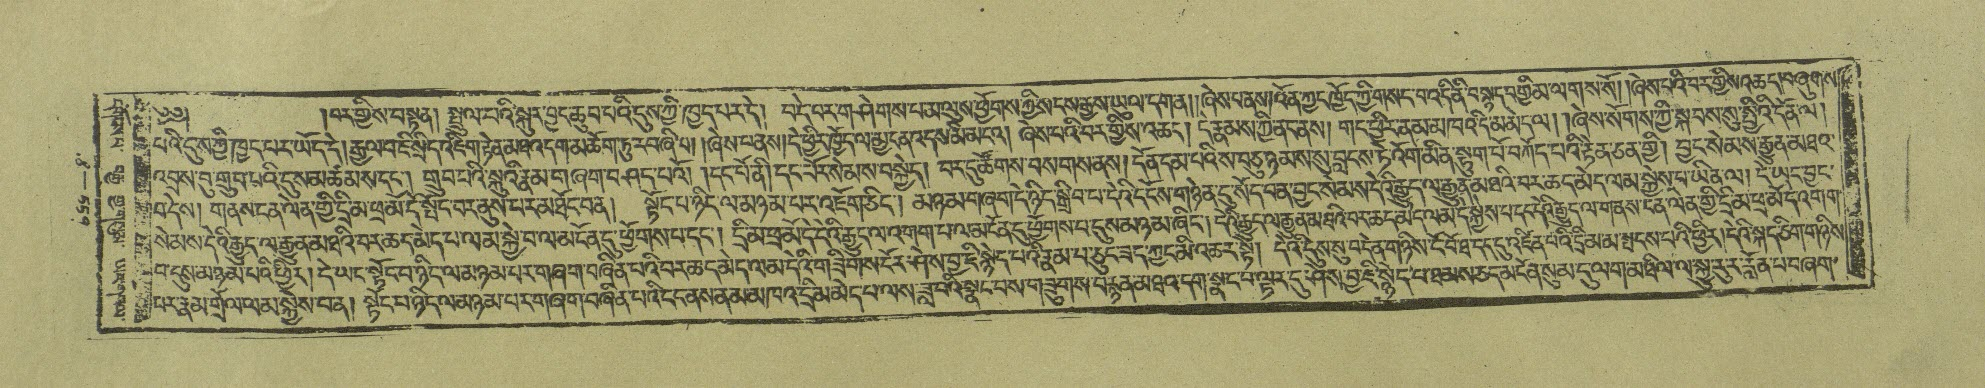༄༅། །བར་གྱིས་བསྟན། སྤྲུལ་བའི་སྐུར་བྱང་ཆུབ་པའི་དུས་ཀྱི་ཁྱད་པར་དེ། བདེ་བར་གཤེགས་པ་མ་ལུས་ཕྱོགས་ཀྱི་སངས་རྒྱས་ཡུལ་དག་ན། །ཞེས་པ་ནས། འོན་ཀྱང་ཁྱོད་ཀྱི་གསང་བ་འདི་ནི་བསྙད་བགྱི་མ་ལགས་སོ། །ཞེས་པའི་བར་གྱིས་འཆད། བཞུགས་
པའི་དུས་ཀྱི་ཁྱད་པར་ཡོད་དེ། རྒྱལ་བ་ཇི་སྲིད་འཇིག་རྟེན་མཐའ་དག་མཆོག་ཏུ་རབ་ཞི་པ། །ཞེས་པ་ནས། དེ་ཕྱིར་ཁྱོད་ལ་མྱ་ངན་འདས་མི་མངའ། ཞེས་པའི་བར་གྱིས་འཆད། དེ་རྣམས་ཀྱི་ནང་ནས། གང་ཕྱིར་ནམ་མཁའ་དྲི་མ་མེད་ལ། །ཞེས་སོགས་ཀྱི་སྐབས་སུ་སྤྱིའི་དོན་ལ།
འབྲས་བུ་གྲུབ་པའི་དུས་མཚམས་དང་། གྲུབ་པའི་སྐུའི་རྣམ་གཞག་བཤད་པའོ། །དང་པོ་ནི། དང་པོར་སེམས་བསྐྱེད། བར་དུ་ཚོགས་བསགས་ནས། དོན་དམ་པའི་ས་བཅུ་ཉམས་སུ་བླངས་ཏེ་འོག་མིན་སྟུག་པོ་བཀོད་པའི་རྟེན་ཅན་གྱི། བྱང་སེམས་རྒྱུན་མཐའ་
བ་དེས། གནས་ངན་ལེན་གྱི་དྲི་མ་ཕྲ་མོ་དེ་སྤོང་བར་ནུས་པར་མཐོང་བ་ན། སྟོང་པ་ཉིད་ལ་མཉམ་པར་འཇོག་ཅིང་། མཉམ་གཞག་དེ་ཉིད་སྒྲིབ་པ་དེའི་དངོས་གཉེན་དུ་སོང་བ་ན་བྱང་སེམས་དེའི་རྒྱུད་ལ་རྒྱུན་མཐའི་བར་ཆད་མེད་ལམ་སྐྱེས་པ་ཡིན་ལ། དེ་ཡང་བྱང་
སེམས་དེའི་རྒྱུད་ལ་རྒྱུན་མཐའི་བར་ཆད་མེད་པ་ལམ་སྐྱེ་བ་ལ་མངོན་དུ་ཕྱོགས་པ་དང་། དྲི་མ་ཕྲ་མོ་དེ་དེའི་རྒྱུད་ལ་འགག་པ་ལ་མངོན་དུ་ཕྱོགས་པ་དུས་མཉམ་ཞིང་། དེའི་རྒྱུད་ལ་རྒྱུན་མཐའི་བར་ཆད་མེད་ལམ་དེ་སྐྱེས་པ་དང་དེའི་རྒྱུད་ལ་གནས་ངན་ལེན་གྱི་དྲི་མ་ཕྲ་མོ་དེ་འགག་
པ་དུས་མཉམ་པའི་ཕྱིར། དེ་ཡང་སྟོང་པ་ཉིད་ལ་མཉམ་པར་གཞག་བཞིན་པའི་བར་ཆད་མེད་ལམ་དེའི་གཟིགས་ངོར་ཤེས་བྱ་ཇི་སྙེད་པའི་རྣམ་པ་ཅུང་ཟད་ཀྱང་མི་འཆར་སྟེ། དེའི་དུས་སུ་བདེན་གཉིས་ངོ་བོ་ཐ་དད་དུ་འཛིན་པའི་དྲི་མ་མ་སྤངས་པའི་ཕྱིར། དེའི་སྐད་ཅིག་གཉིས་
པར་རྣམ་གྲོལ་ལམ་སྐྱེས་པ་ན། སྟོང་པ་ཉིད་ལ་མཉམ་པར་གཞག་བཞིན་པའི་ངང་ནས་ནམ་མཁའ་དྲི་མ་མེད་པ་ལས་ཟླ་བའི་སྣང་བས་གཟུགས་བརྙན་མཐའ་དག་སྣང་བ་ལྟར་དུ་ཤེས་བྱ་ཇི་སྙེད་པ་ཐམས་ཅད་མངོན་སུམ་དུ་ལག་མཐིལ་ལ་སྐྱུ་རུ་ར་རློན་པ་བཞག་